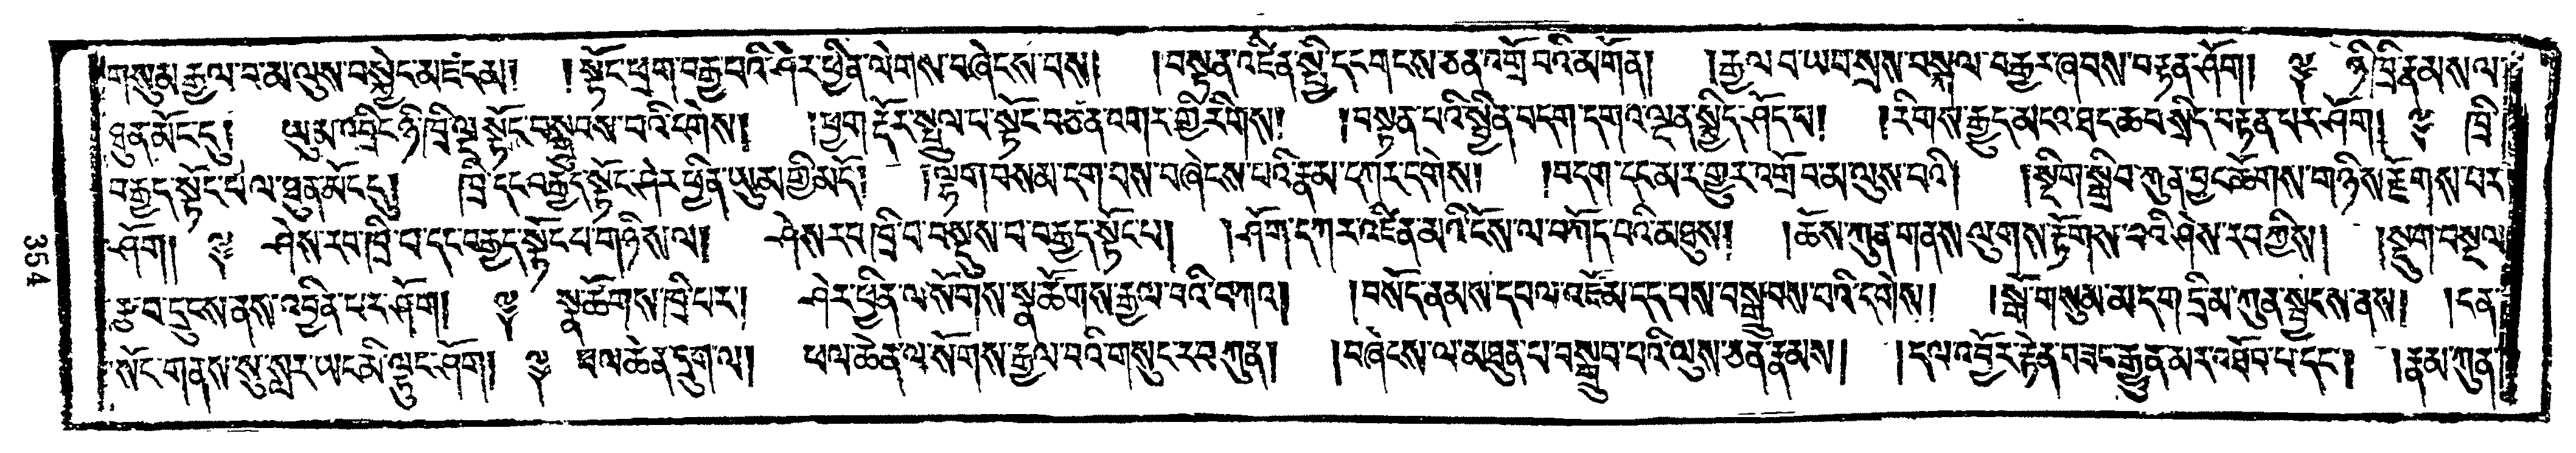གསུམ་རྒྱལ་བ་མ་ལུས་བསྐྱེད་མཛད་མ། །སྟོང་ཕྲག་བརྒྱ་བའི་ཤེར་ཕྱིན་ལེགས་བཞེངས་པས། །བསྟན་འཛིན་སྤྱི་དང་གངས་ཅན་འགྲོ་བའི་མགོན། །རྒྱལ་བ་ཡབ་སྲས་བསྐལ་བརྒྱར་ཞབས་བརྟན་ཤོག། ༈ ཉི་ཁྲི་རྣམས་ལ་
ཐུན་མོང་དུ། ཡུམ་འབྲིང་ཉི་ཁྲི་ལྔ་སྟོང་བསྒྲུབས་པའི་དགེས། །ཕྱག་རྡོར་སྤྲུལ་པ་སྟོང་བཙན་འགར་གྱི་རིགས། བསྟན་པའི་སྦྱིན་བདག་དགའ་ལྡན་སྐྱིད་ཤོད་པ། །རིགས་རྒྱུད་མངའ་ཐད་ཆབ་སྲིད་བརྟན་པར་ཤོག། ༈ ཁྲི་
བརྒྱད་སྟོང་པ་ལ་ཐུན་མོང་དུ། ཁྲི་དང་བརྒྱད་སྟོང་ཤེར་ཕྱིན་ཡུམ་གྱི་མདོ། །ལྷག་བསམ་དག་བས་བཞེངས་པའི་རྣམ་དཀར་གེགས། །བདག་དང་མར་གྱུར་འགྲོ་བ་མ་ལུས་པའི། །སྡིག་སྒྲིབ་ཀུན་བྱང་ཚོགས་གཉིས་རྫོགས་པར་
ཤོག། ༈ ཤེས་རབ་ཁྲི་བ་དང་བརྒྱད་སྟོང་པ་གཉིས་ལ། ཤེས་རབ་ཁྲི་བ་བསྡུས་པ་བརྒྱད་སྟོང་པ། །ཤོག་དཀར་འཛིན་མའི་ངོས་ལ་བཀོད་པའི་མཐུས། །ཆོས་ཀུན་གནས་ལུགས་རྟོགས་བའི་ཤེས་རབ་ཀྱིས། །སྡུག་བསྔལ་
རྩ་བ་དྲུངས་ནས་འབྱིན་པར་ཤོག། ༈ སྣ་ཚོགས་ཁྲི་བར། ཤར་ཕྱིན་ལ་སོགས་སྣ་ཚོགས་རྒྱལ་བའི་བཀའ། །བསོད་ནམས་དཔལ་འཛོམ་དང་པ་སྒྲུབ་པའི་དགེས། །སྒོ་གསུམ་མ་དག་དྲི་མ་ཀུན་སྦྱངས་ནས། །ངན་
སོང་གནས་སུ་སླར་ཡང་མི་ལྷུང་ཤོག། ༈ ཕལ་ཆེན་དྲུག་ལ། ཕལ་ཆེན་ལ་སོགས་རྒྱལ་བའི་གསུང་རབ་ཀུན། །བཞེངས་ལ་མཐུན་པ་བསྒྲུབ་པའི་ལུས་ཅན་རྣམས། །དལ་འབྱོར་རྟེན་བཟང་རྒྱུན་མར་འཐོབ་པ་དང་། །རྣམ་ཀུན་